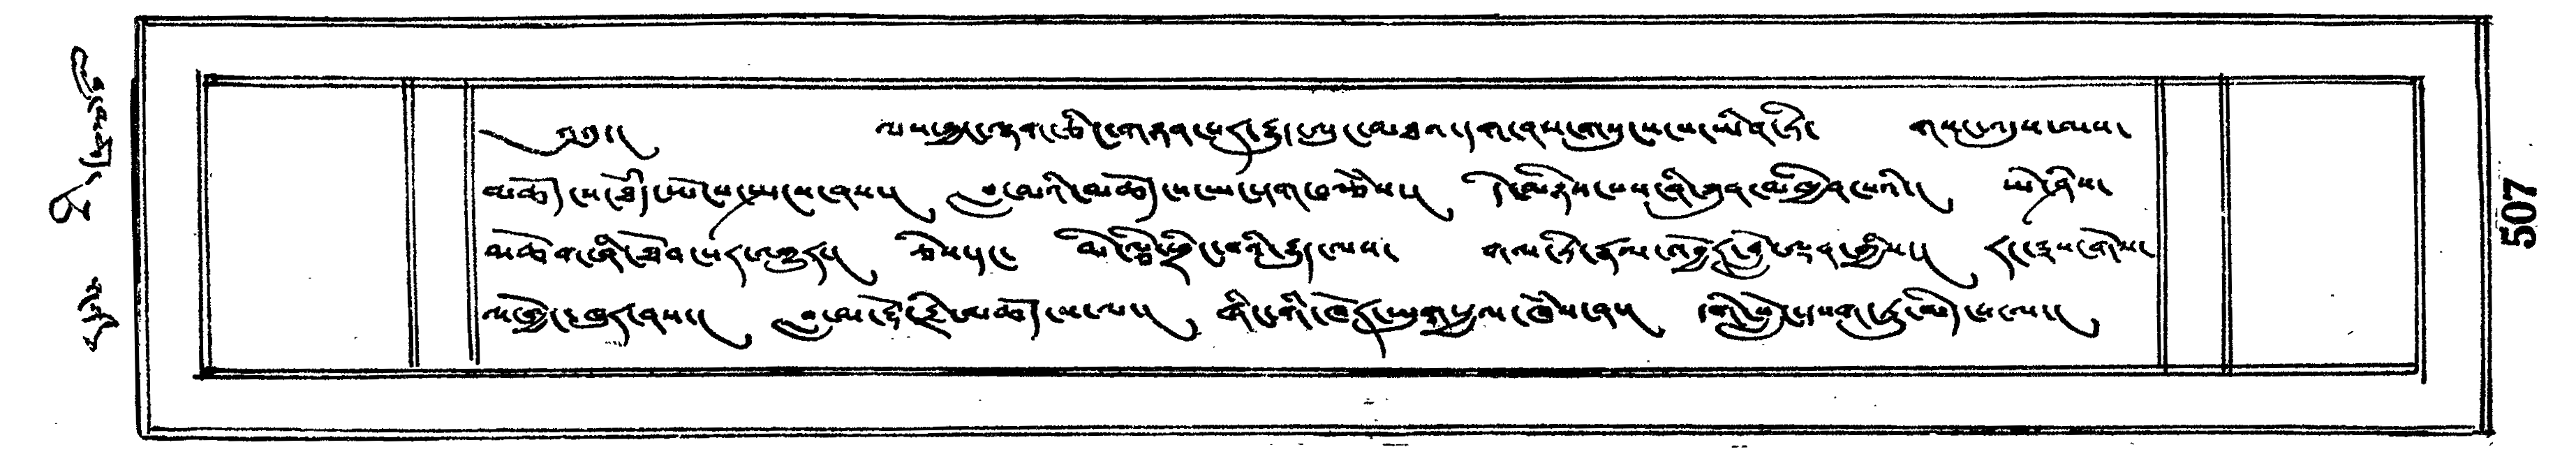ལས་ཀྱང་ལྷག་ཅིང་གཉན་པར་རྒྱུད་ལུང་མཐའ་དག་ནས་གསུངས་པ་ཡིན་ཏེ། གསང་འདུས་ལས། 
མཆོད་པ་ཐམས་ཅད་ཡོངས་སྤངས་ནས། །བླ་མའི་མཆོད་པ་ཡང་དག་བརྩམ། །དེ་མཉེས་པས་ནི་ཀུན་མཁྱེན་པའི། །ཡེ་ཤེས་
མཆོག་ནི་ཐོབ་པར་འགྱུར། ཅེས་དང་། མི་ལྕེ་ཕྲེང་བའི་རྒྱུད་ལས། གལ་ཏེ་རྣལ་འབྱོར་བློ་ལྡན་གྱིས། །རང་ཟས་གོས་
ལ་གྱོང་ཁུར་ནས། །བླ་མ་རྡོ་རྗེ་མཆོད་པ་ལ། །ཞིང་གི་ཁོར་ཡུག་རྒྱལ་ཁམས་ན། །དགེ་སློང་དཔག་ཏུ་མེད་པ་ལ།